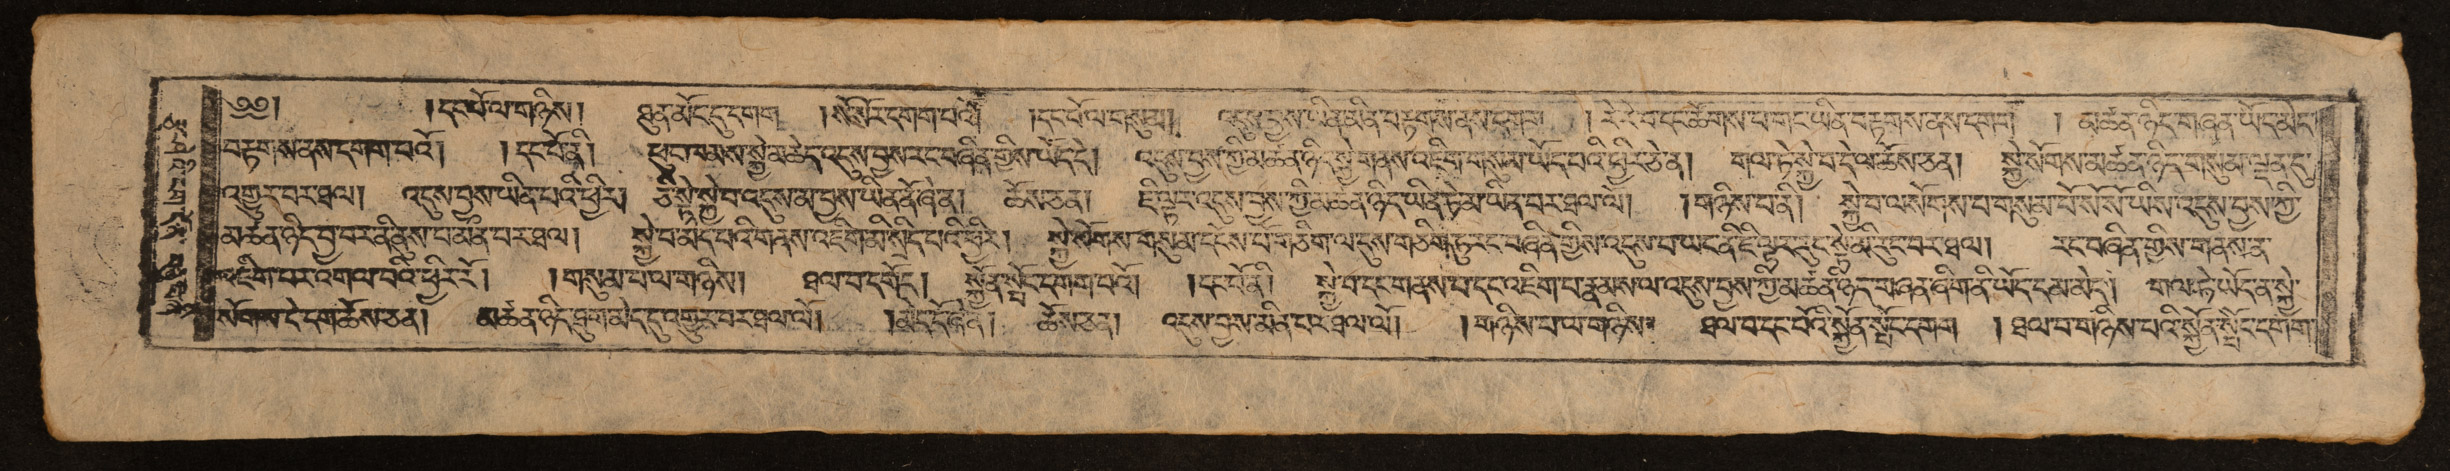༄༅། །དང་པོ་ལ་གཉིས། ཐུན་མོང་དུ་དགག །སོ་སོར་དགག་པའོ། །དང་པོ་ལ་གསུམ། འདུས་བྱས་ཡིན་མིན་བརྟགས་ནས་དགག །རེ་རེ་བ་དང་ཚོགས་པ་གང་ཡིན་བརྟགས་ནས་དགག །མཚན་ཉིད་གཞན་ཡོད་མེད་
བརྟགས་ནས་དགག་པའོ། །དང་པོ་ནི། ཕུང་ཁམས་སྐྱེ་མཆེད་འདུས་བྱས་རང་བཞིན་གྱིས་ཡོད་དེ། འདུས་བྱས་ཀྱི་མཚན་ཉིད་སྐྱེ་གནས་འཇིག་གསུམ་ཡོད་པའི་ཕྱིར་ཅེ་ན། གལ་ཏེ་སྐྱེ་བ་དེ་ལ་ཆོས་ཅན། སྐྱེ་སོགས་མཚན་ཉིད་གསུམ་ལྡན་དུ་
འགྱུར་བར་ཐལ། འདུས་བྱས་ཡིན་པའི་ཕྱིར། ཅི་སྟེ་སྐྱེ་བ་འདུས་མ་བྱས་ཡིན་ནོ་ཞེ་ན། ཆོས་ཅན། ཇི་ལྟར་འདུས་བྱས་ཀྱི་མཚན་ཉིད་ཡིན་ཏེ་མ་ཡིན་པར་ཐལ་ལོ། །གཉིས་པ་ནི། སྐྱེ་བ་ལ་སོགས་པ་གསུམ་པོ་སོ་སོ་ཡིས་འདུས་བྱས་ཀྱི་
མཚན་ཉིད་བྱ་བར་ནི་ནུས་པ་མྀན་པར་ཐལ། སྐྱེ་བ་མེད་པའི་གནས་འཇིག་མི་སྲིད་པའི་ཕྱིར། སྐྱེ་སོགས་གསུམ་དངོས་པོ་གཅིག་ལ་དུས་གཅིག་ཏུ་རང་བཞིན་གྱིས་འདུས་པ་ཡང་ནི་ཇི་ལྟར་རུང་སྟེ་མི་རུང་བར་ཐལ། རང་བཞིན་གྱིས་གནས་ན་
འཇིག་པར་འགལ་བའི་ཕྱིར་རོ། །གསུམ་པ་ལ་གཉིས། ཐལ་བ་དགོད། སྐྱོན་སྤོང་དགག་པའོ། །དང་པོ་ནི། སྐྱེ་བ་དང་གནས་པ་དང་འཇིག་པ་རྣམས་ལ་འདུས་བྱས་ཀྱི་མཚན་ཉིད་གཞན་ཞིག་ནི་ཡོད་དམ་མེད། གལ་ཏེ་ཡོད་ན་སྐྱེ་
སོགས་དེ་དག་ཆོས་ཅན། མཚན་ཉིད་ཐུག་མེད་དུ་འགྱུར་བར་ཐལ་ལོ། །མེད་དོ་ཞེ་ན། ཆོས་ཅན། འདུས་བྱས་མིན་པར་ཐལ་ལོ། །གཉིས་པ་ལ་གཉིས། ཐལ་བ་དང་པོའི་སྐྱོན་སྤོང་དགག །ཐལ་བ་གཉིས་པའི་སྐྱོན་སྤོང་དགག་